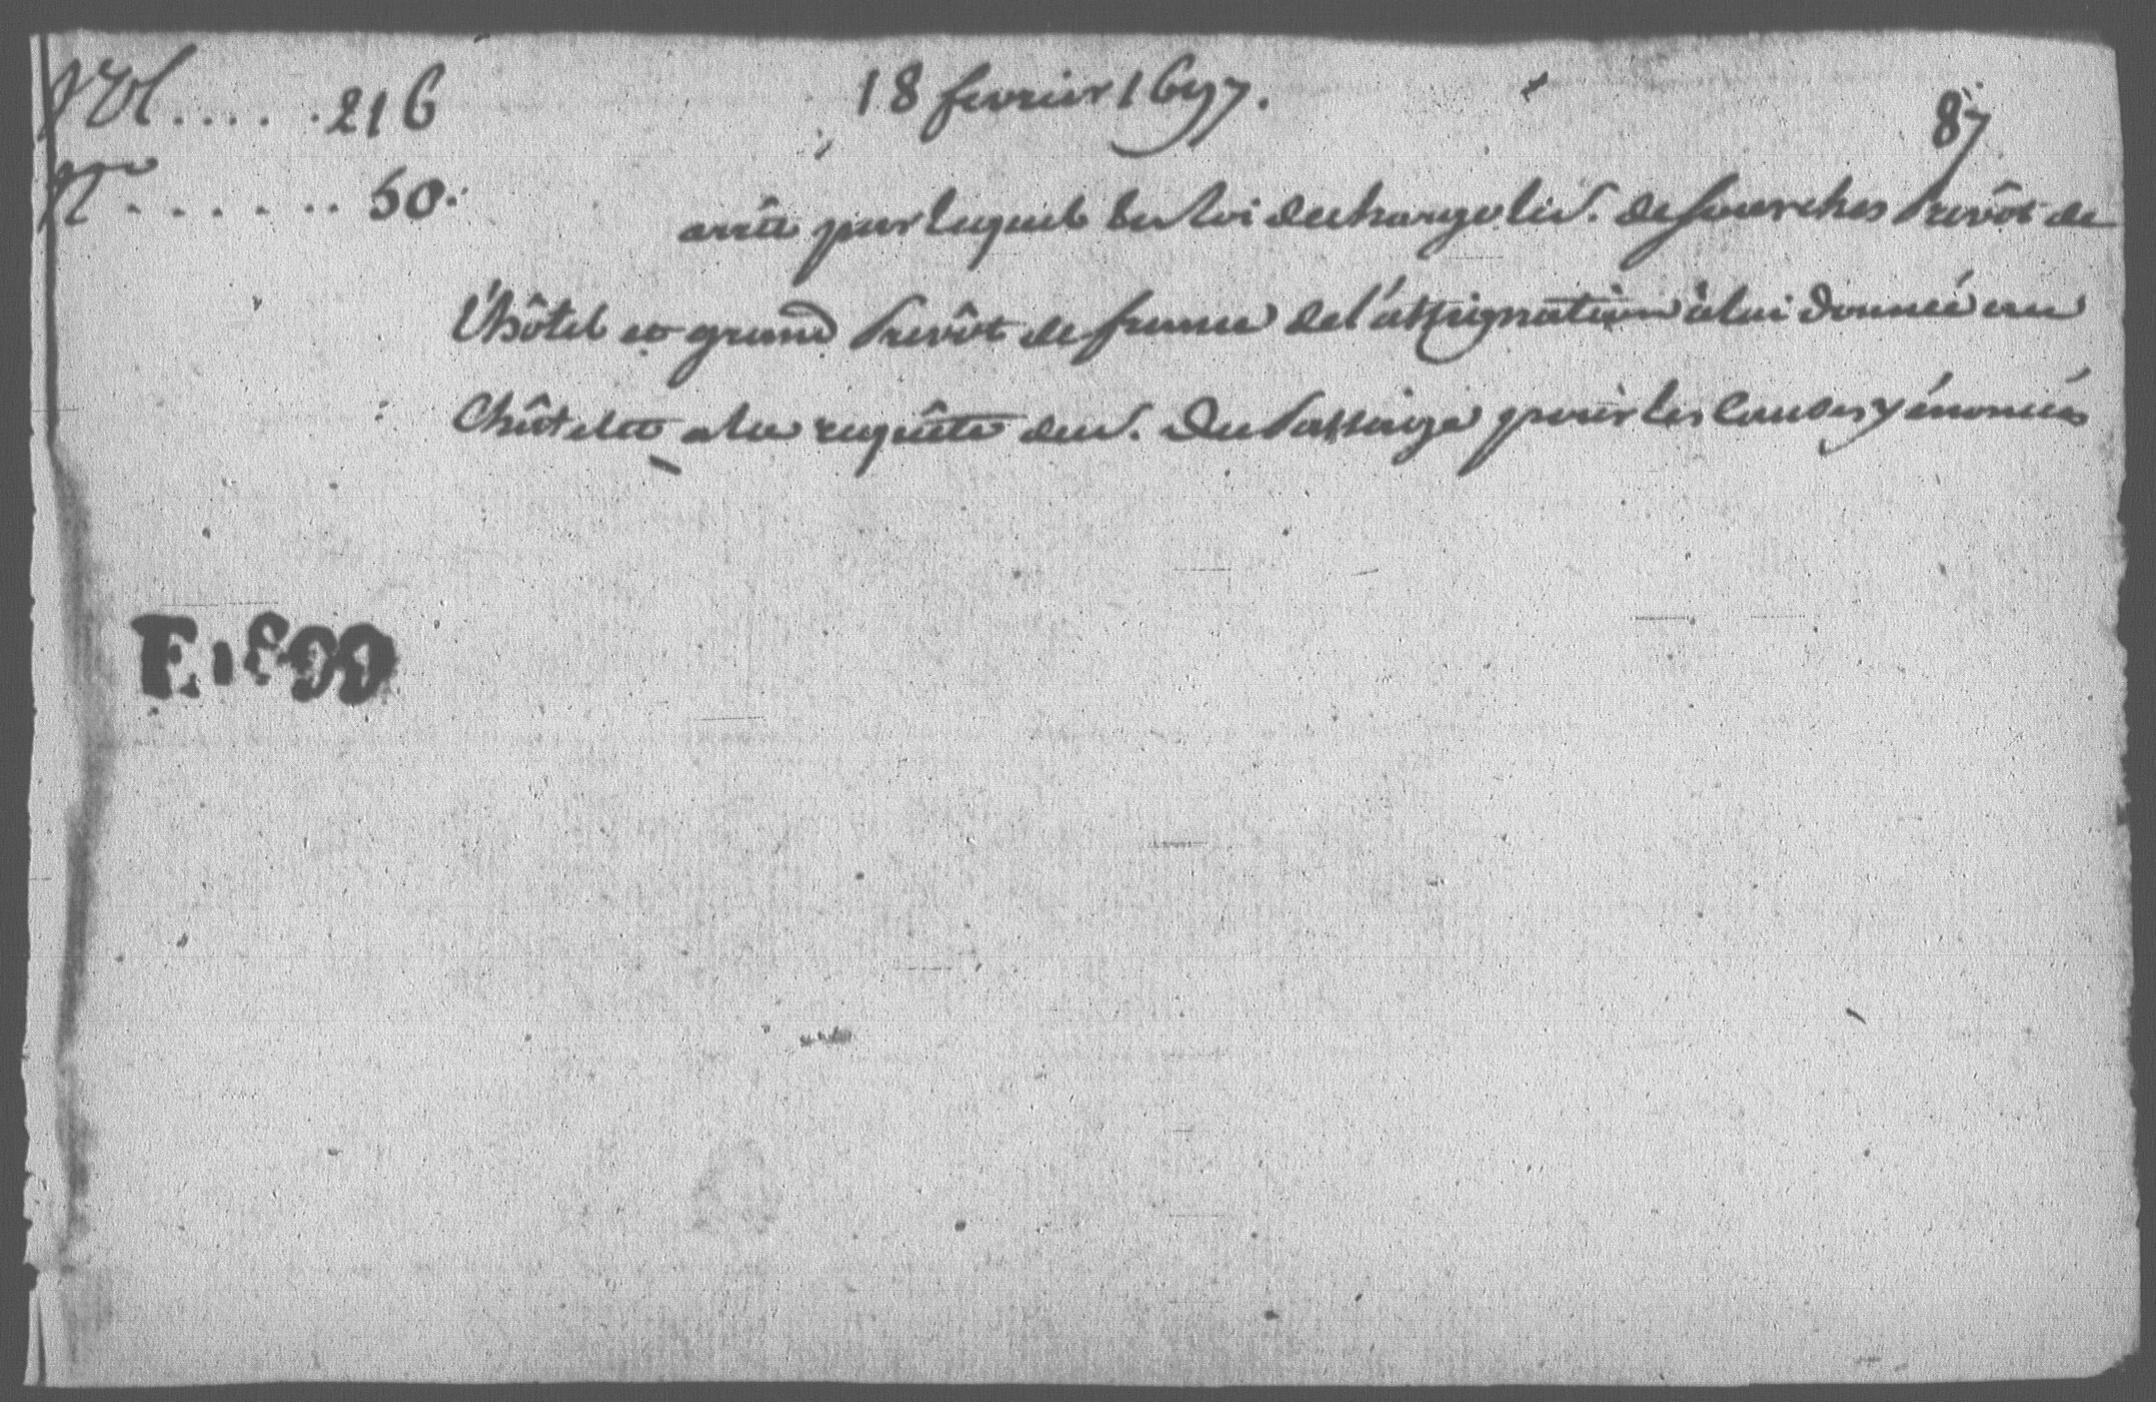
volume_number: n°50
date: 18 février 1697
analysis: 87
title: arrêt par lequel de Roi decharge le S. de Sourches Prevôt de l'hôtel et grand Prevôt de france de l'assignation à lui donnée au Châtelet a la requête du S. du Passage pour les causes y énoncées.
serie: E
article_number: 1899
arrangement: vol. 216
